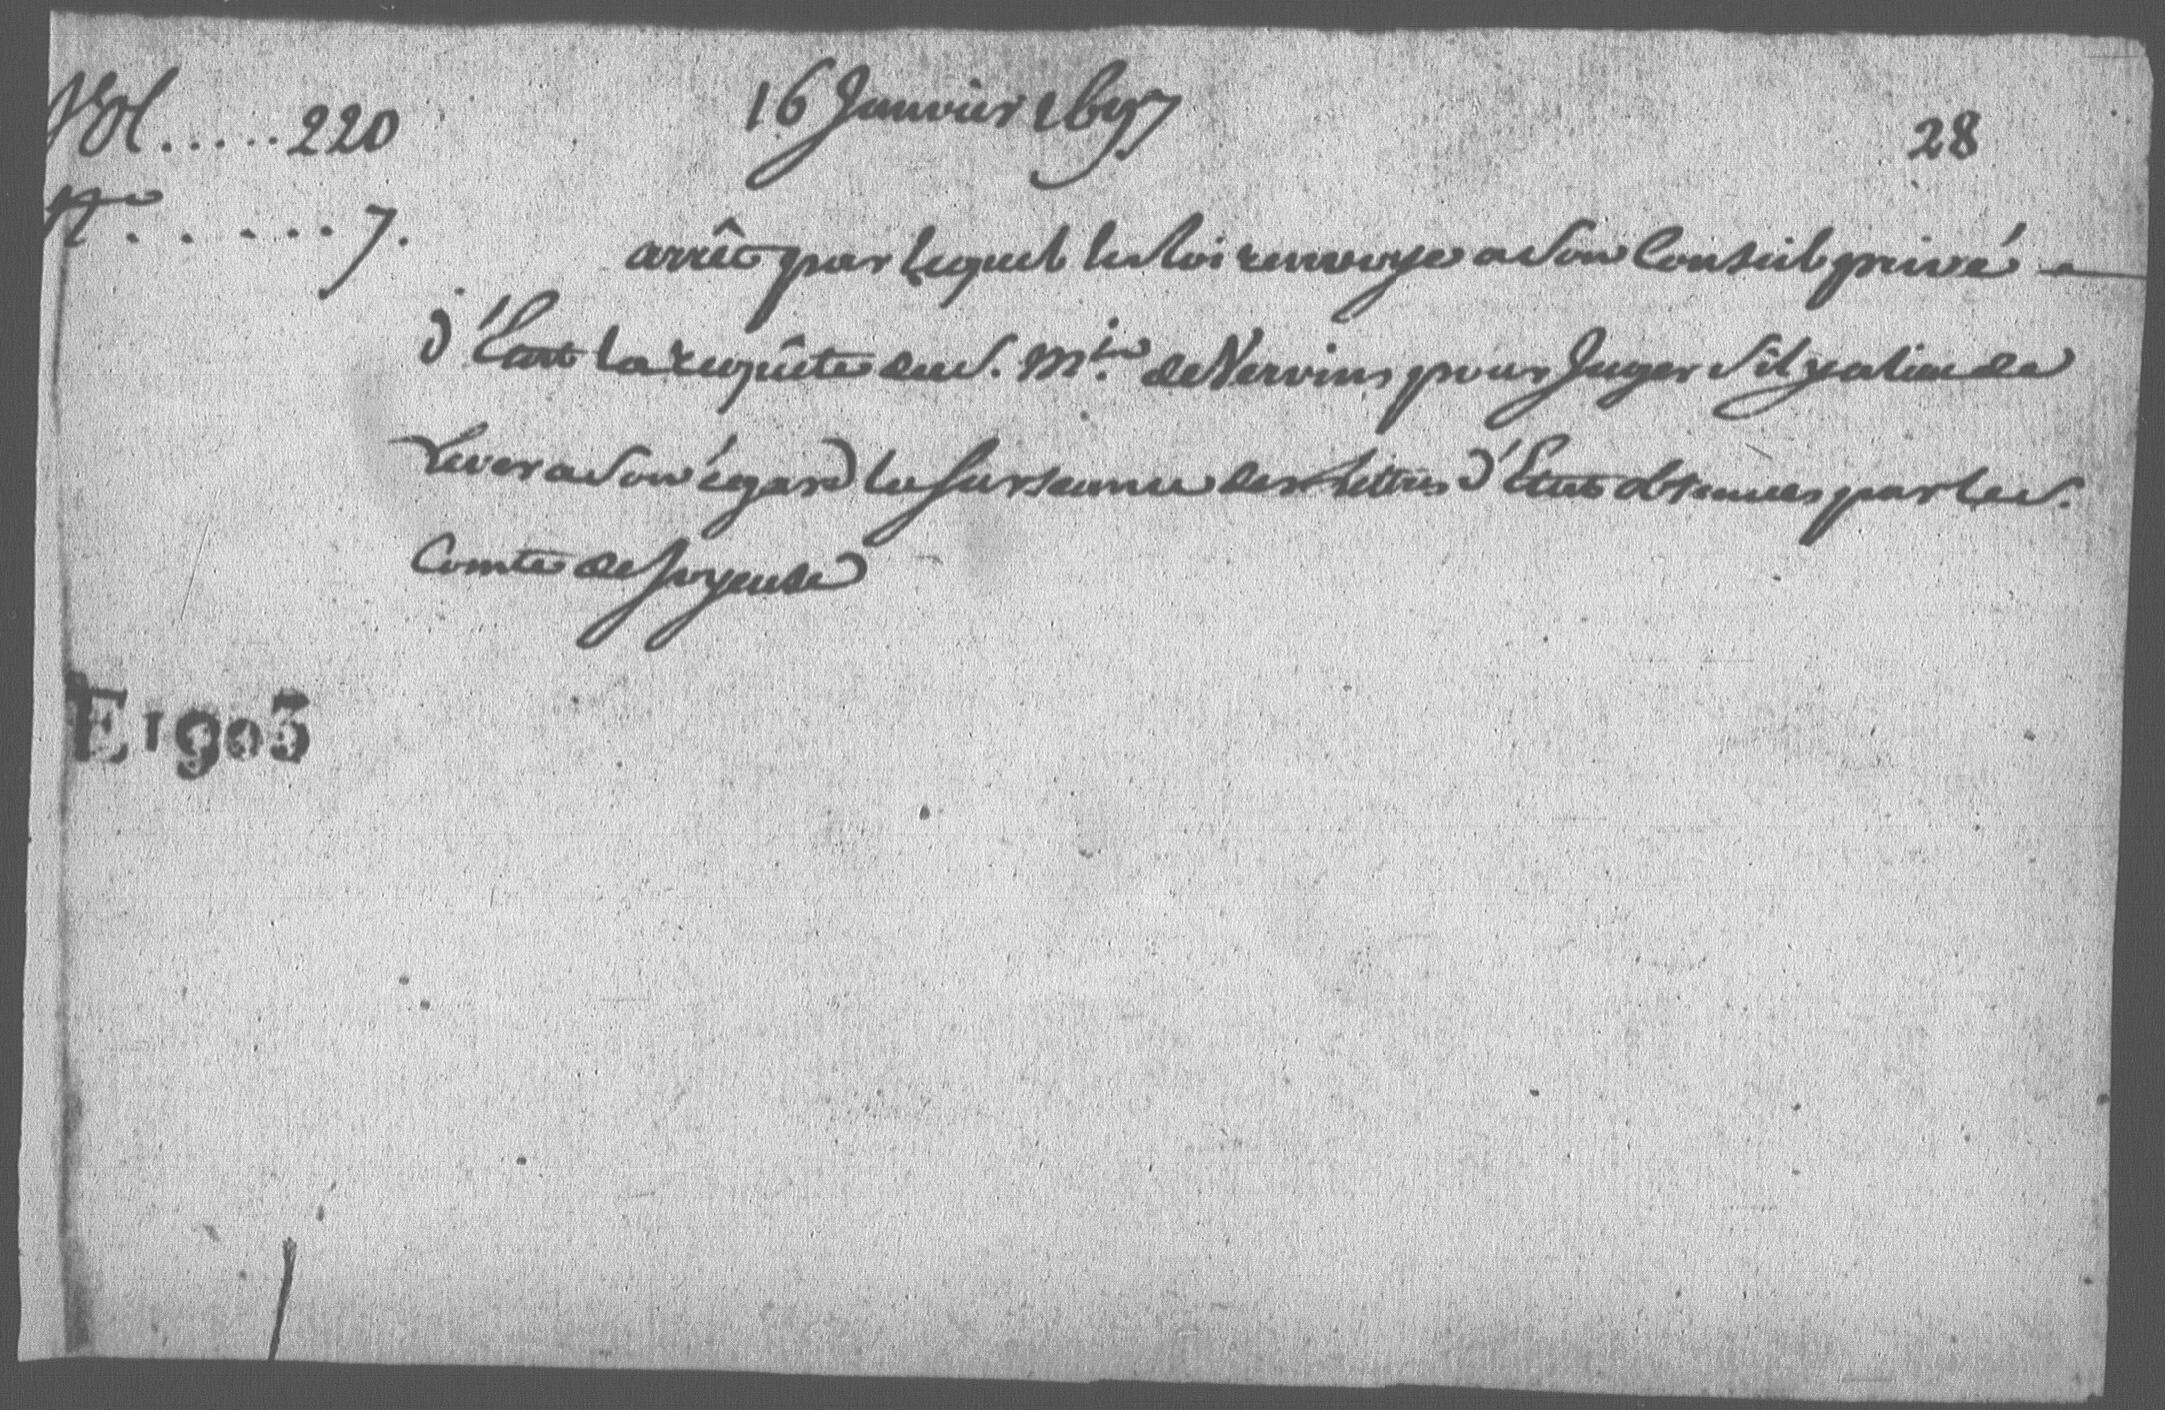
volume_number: n°7
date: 16 janvier 1697
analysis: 28
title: arrêt par lequel le Roi renvoye a son Conseil privé d'Etat la requête du S. M.is de Vervins pour juger s'il y a lieu de lever a son égard la surseance des lettres d'Etat obtenues par le S. comte de joyeuse
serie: E
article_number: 1903
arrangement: vol. 220
